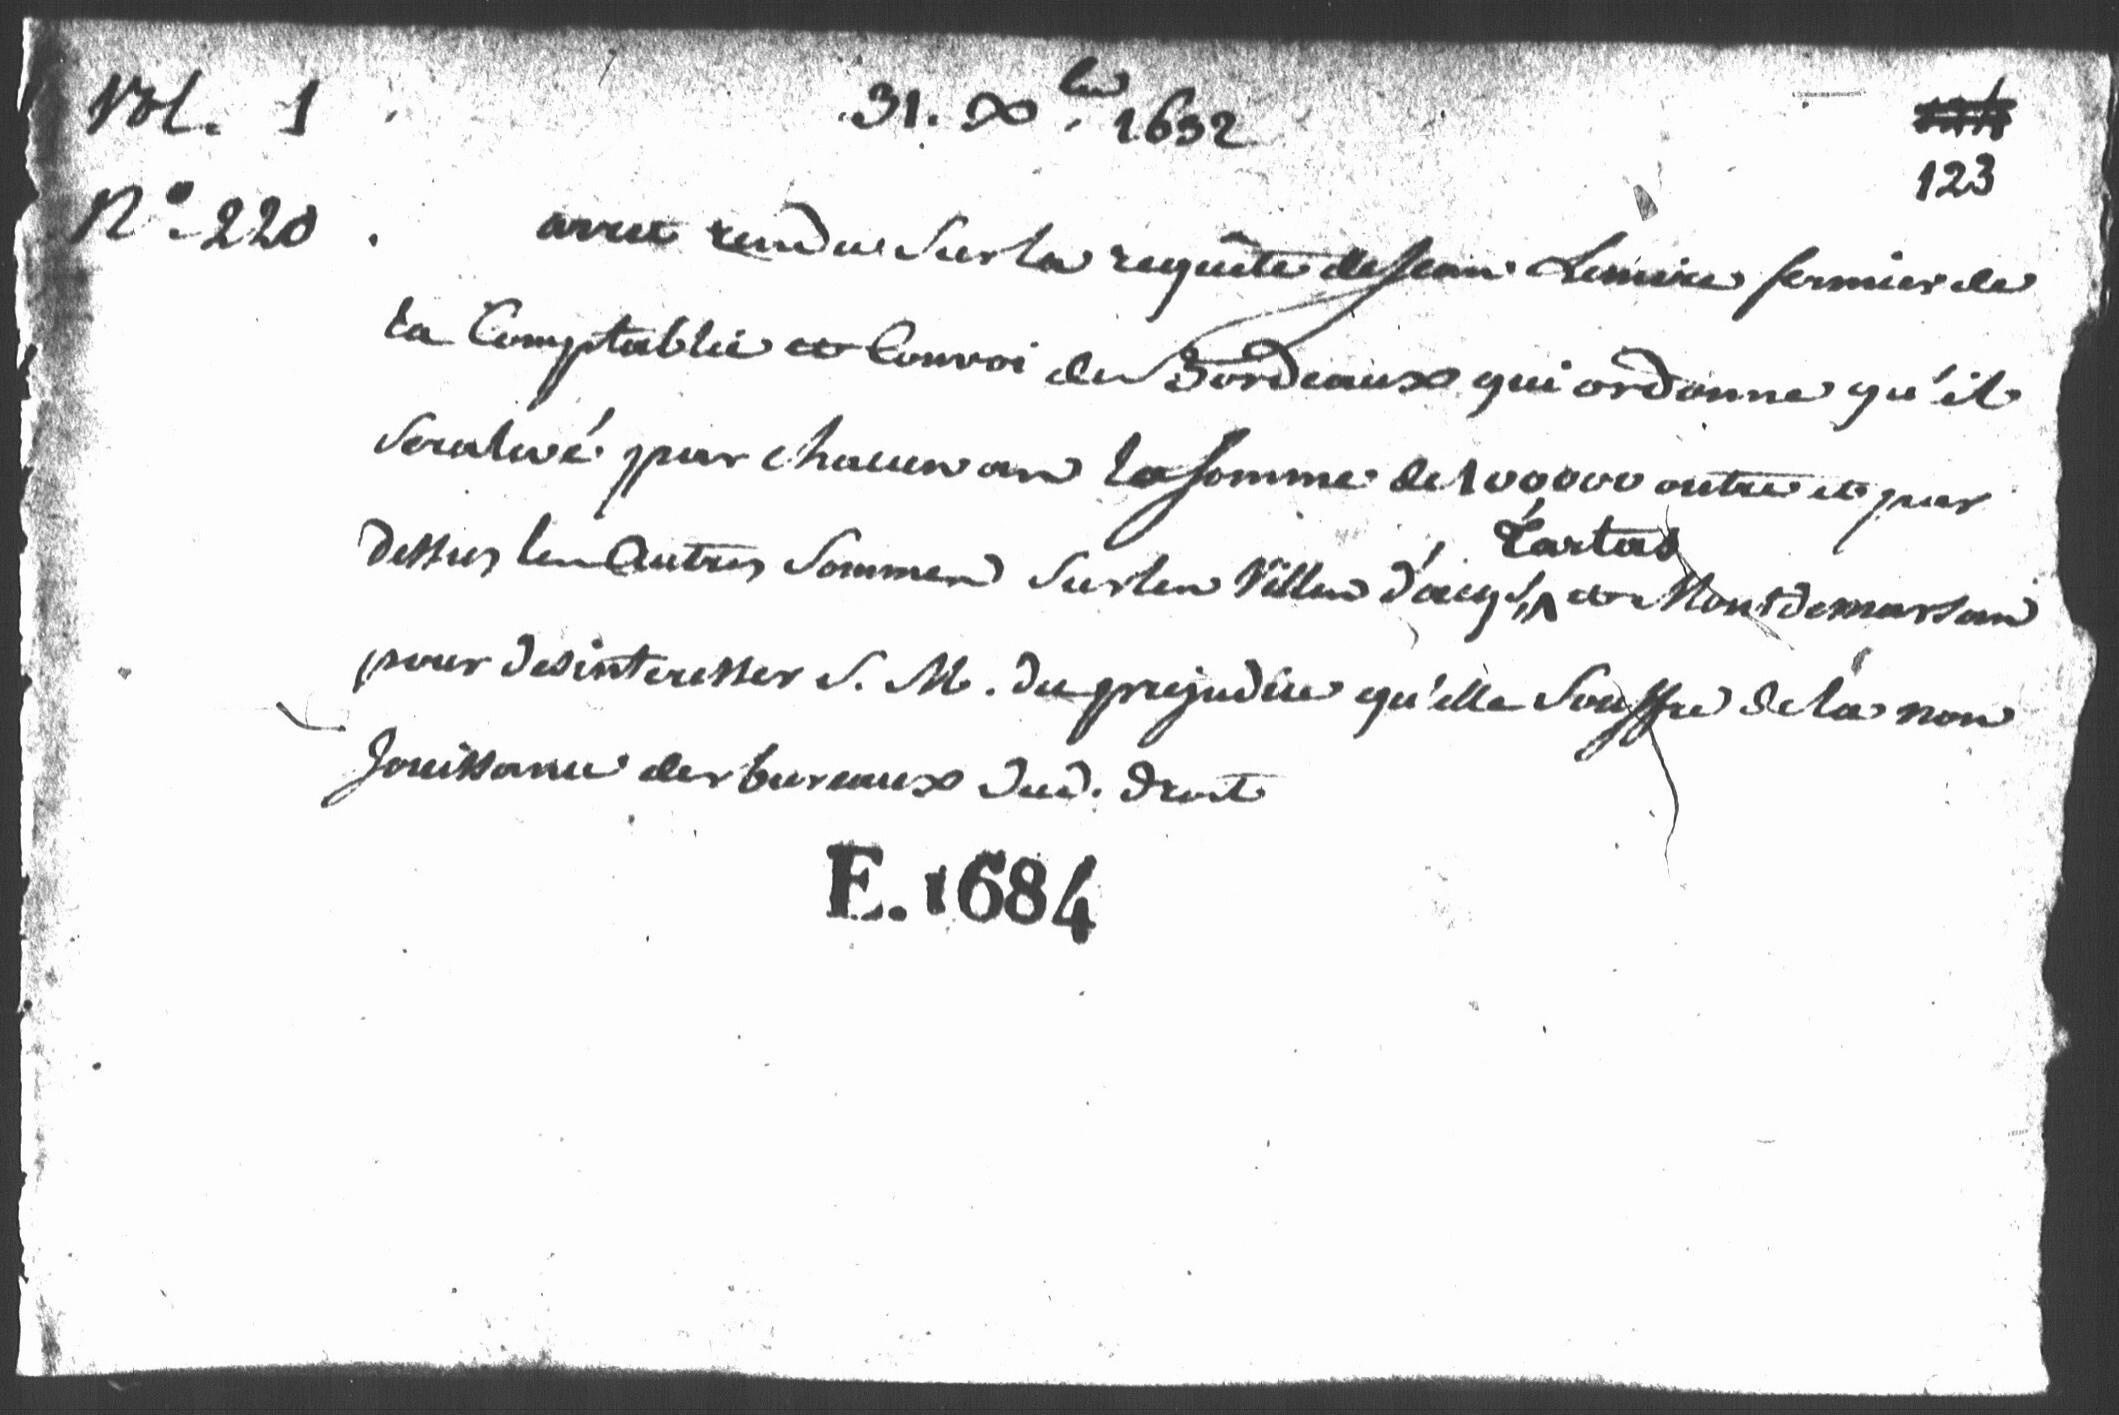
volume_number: n°220
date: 31 décembre 1632
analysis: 123 [124 barré]
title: arret rendu sur la requête de Jean Lemire fermier de la Comptablie et Convoi de Bordeaux qui ordonne qu'il sera levé par chacun an la somme de 100000 outre et par dessus les autres sommes sur les villes d'Acqs, Tartas et Mont de Marsan pour desinteresser S. M. du prejudice qu'elle souffre de la non jouissance des bureaux dud. droit
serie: E
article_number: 1684
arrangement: vol. 1
